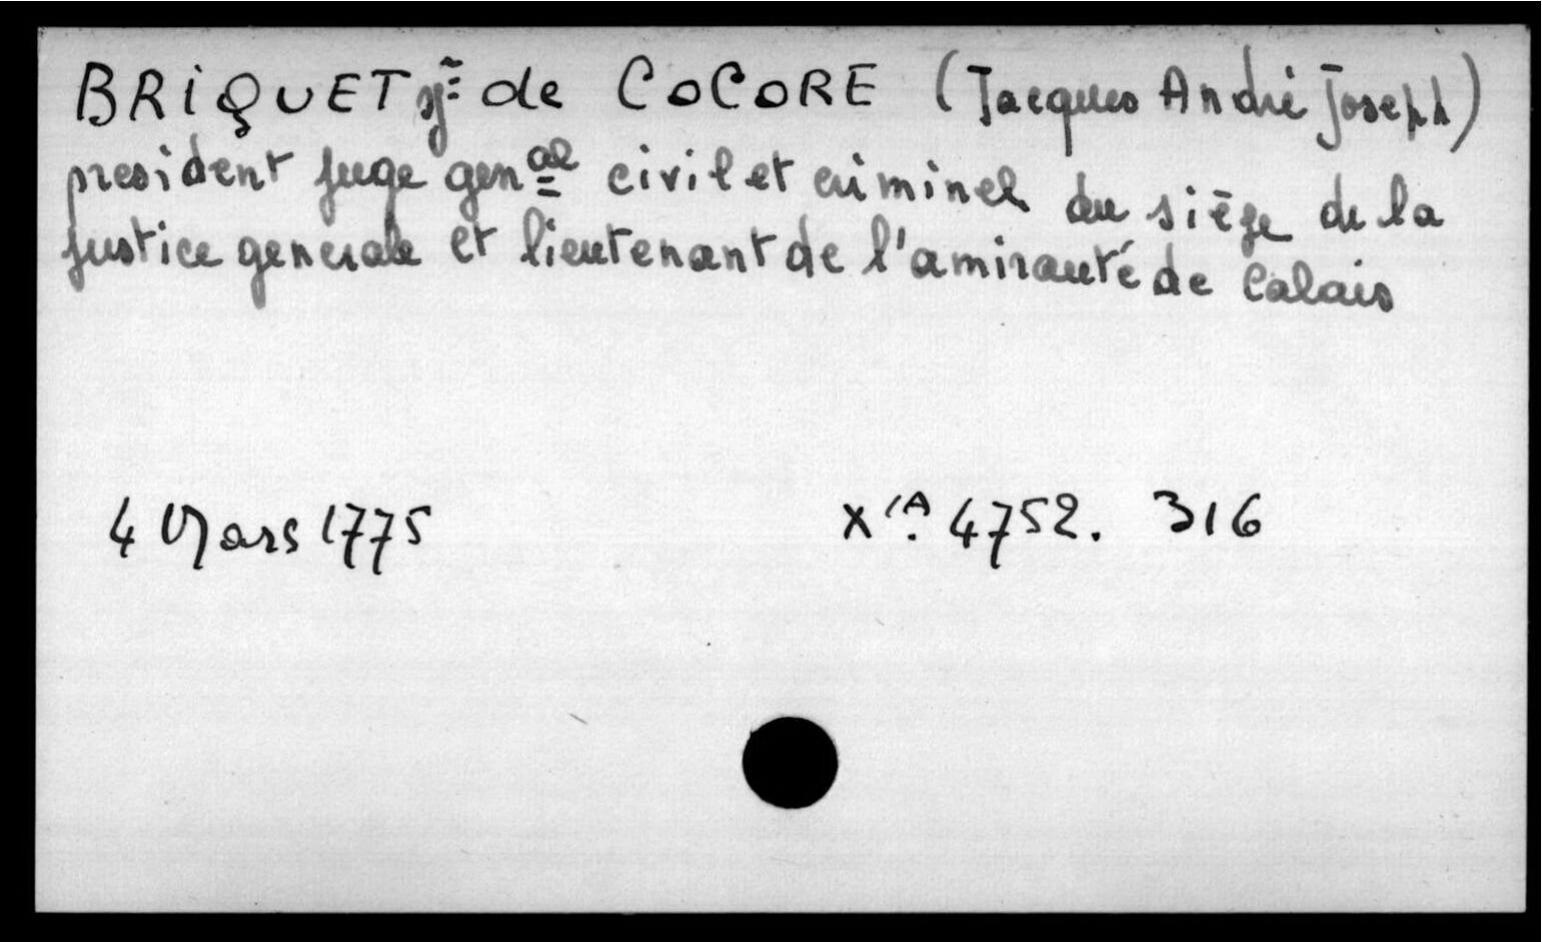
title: BRIQUET (Jacques André Joseph), seigneur de Cocore, président juge général civil et criminel du siège de la justice générale et lieutenant de l'amirauté de Calais
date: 4 mars 1775
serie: X1A
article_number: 4752
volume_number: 316
